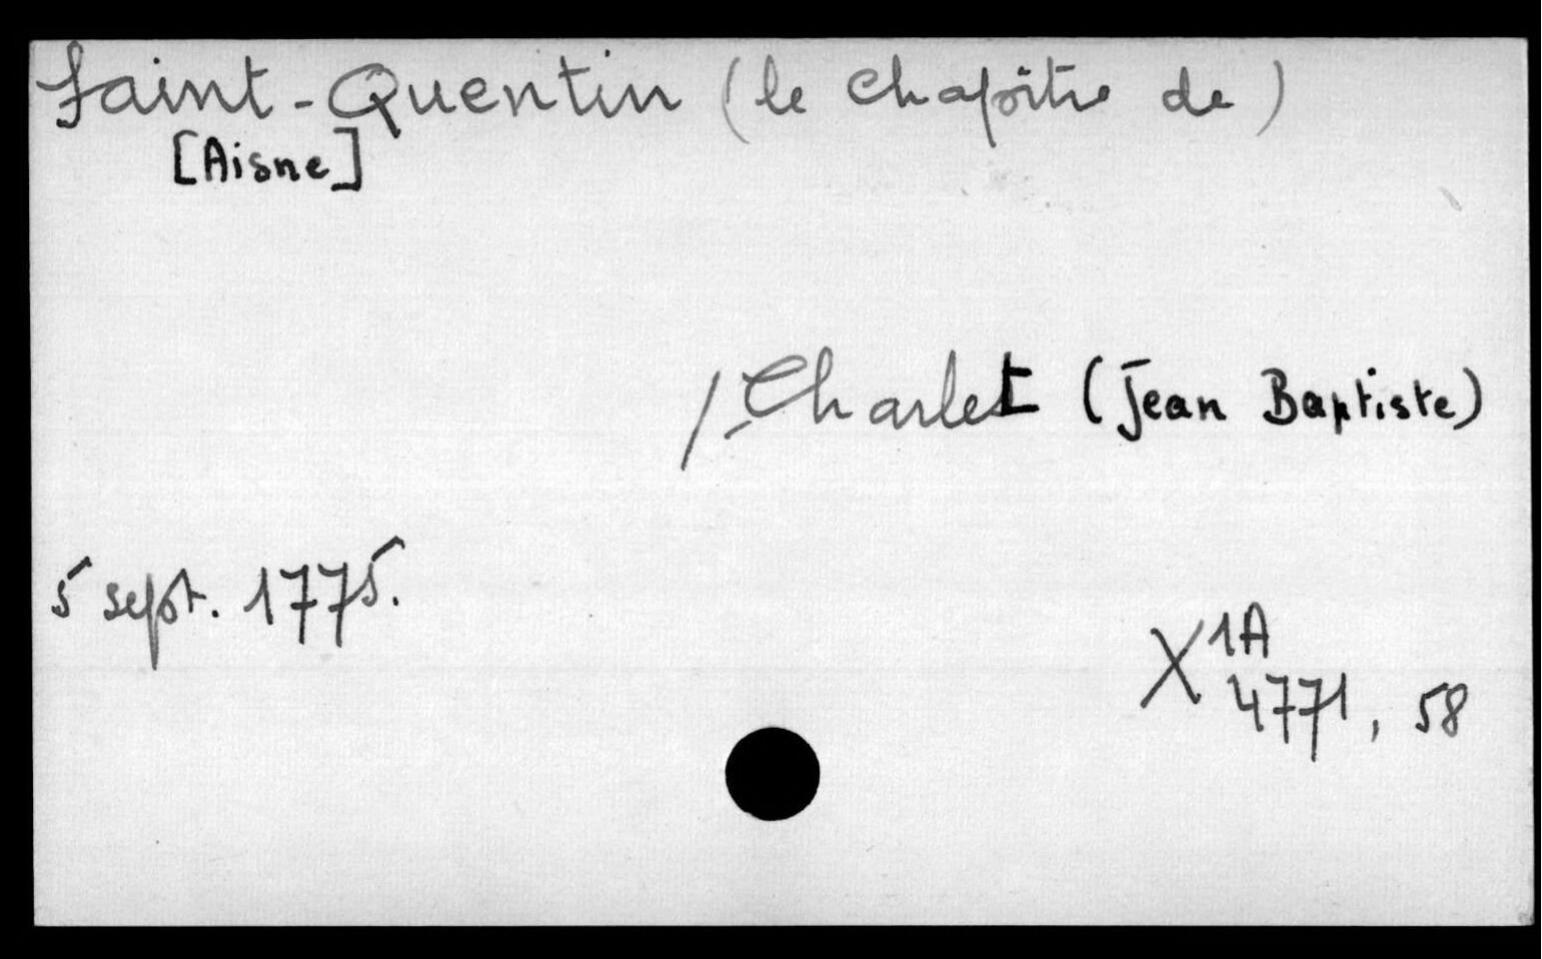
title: Saint-Quentin (le chapitre de) [Aisne]
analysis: Contre Charlet (Jean Baptiste)
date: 5 septembre 1775
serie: X1A
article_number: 4771
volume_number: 58
